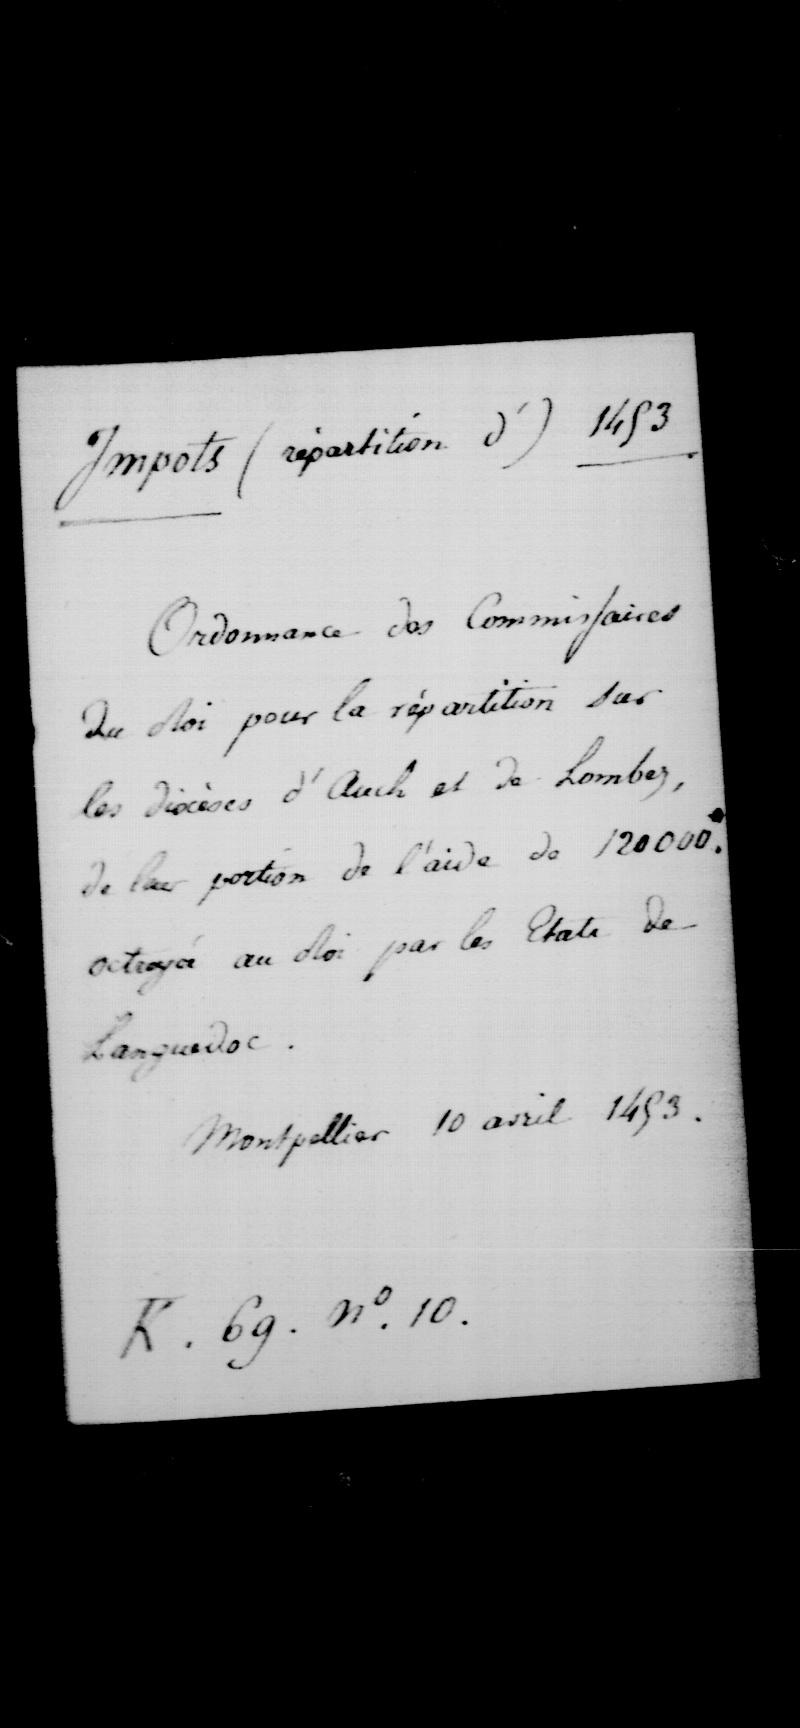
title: Impots (répartition d’)
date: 1453
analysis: Ordonnance des commissaires du roi pour la répartition sur les diocèses d’Auch et de Lombez, de leur portion de l’aide de 120.000 l. octroyée au roi par les États de Languedoc Montpellier 10 avril 1453
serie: K
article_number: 69
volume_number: n° 10
